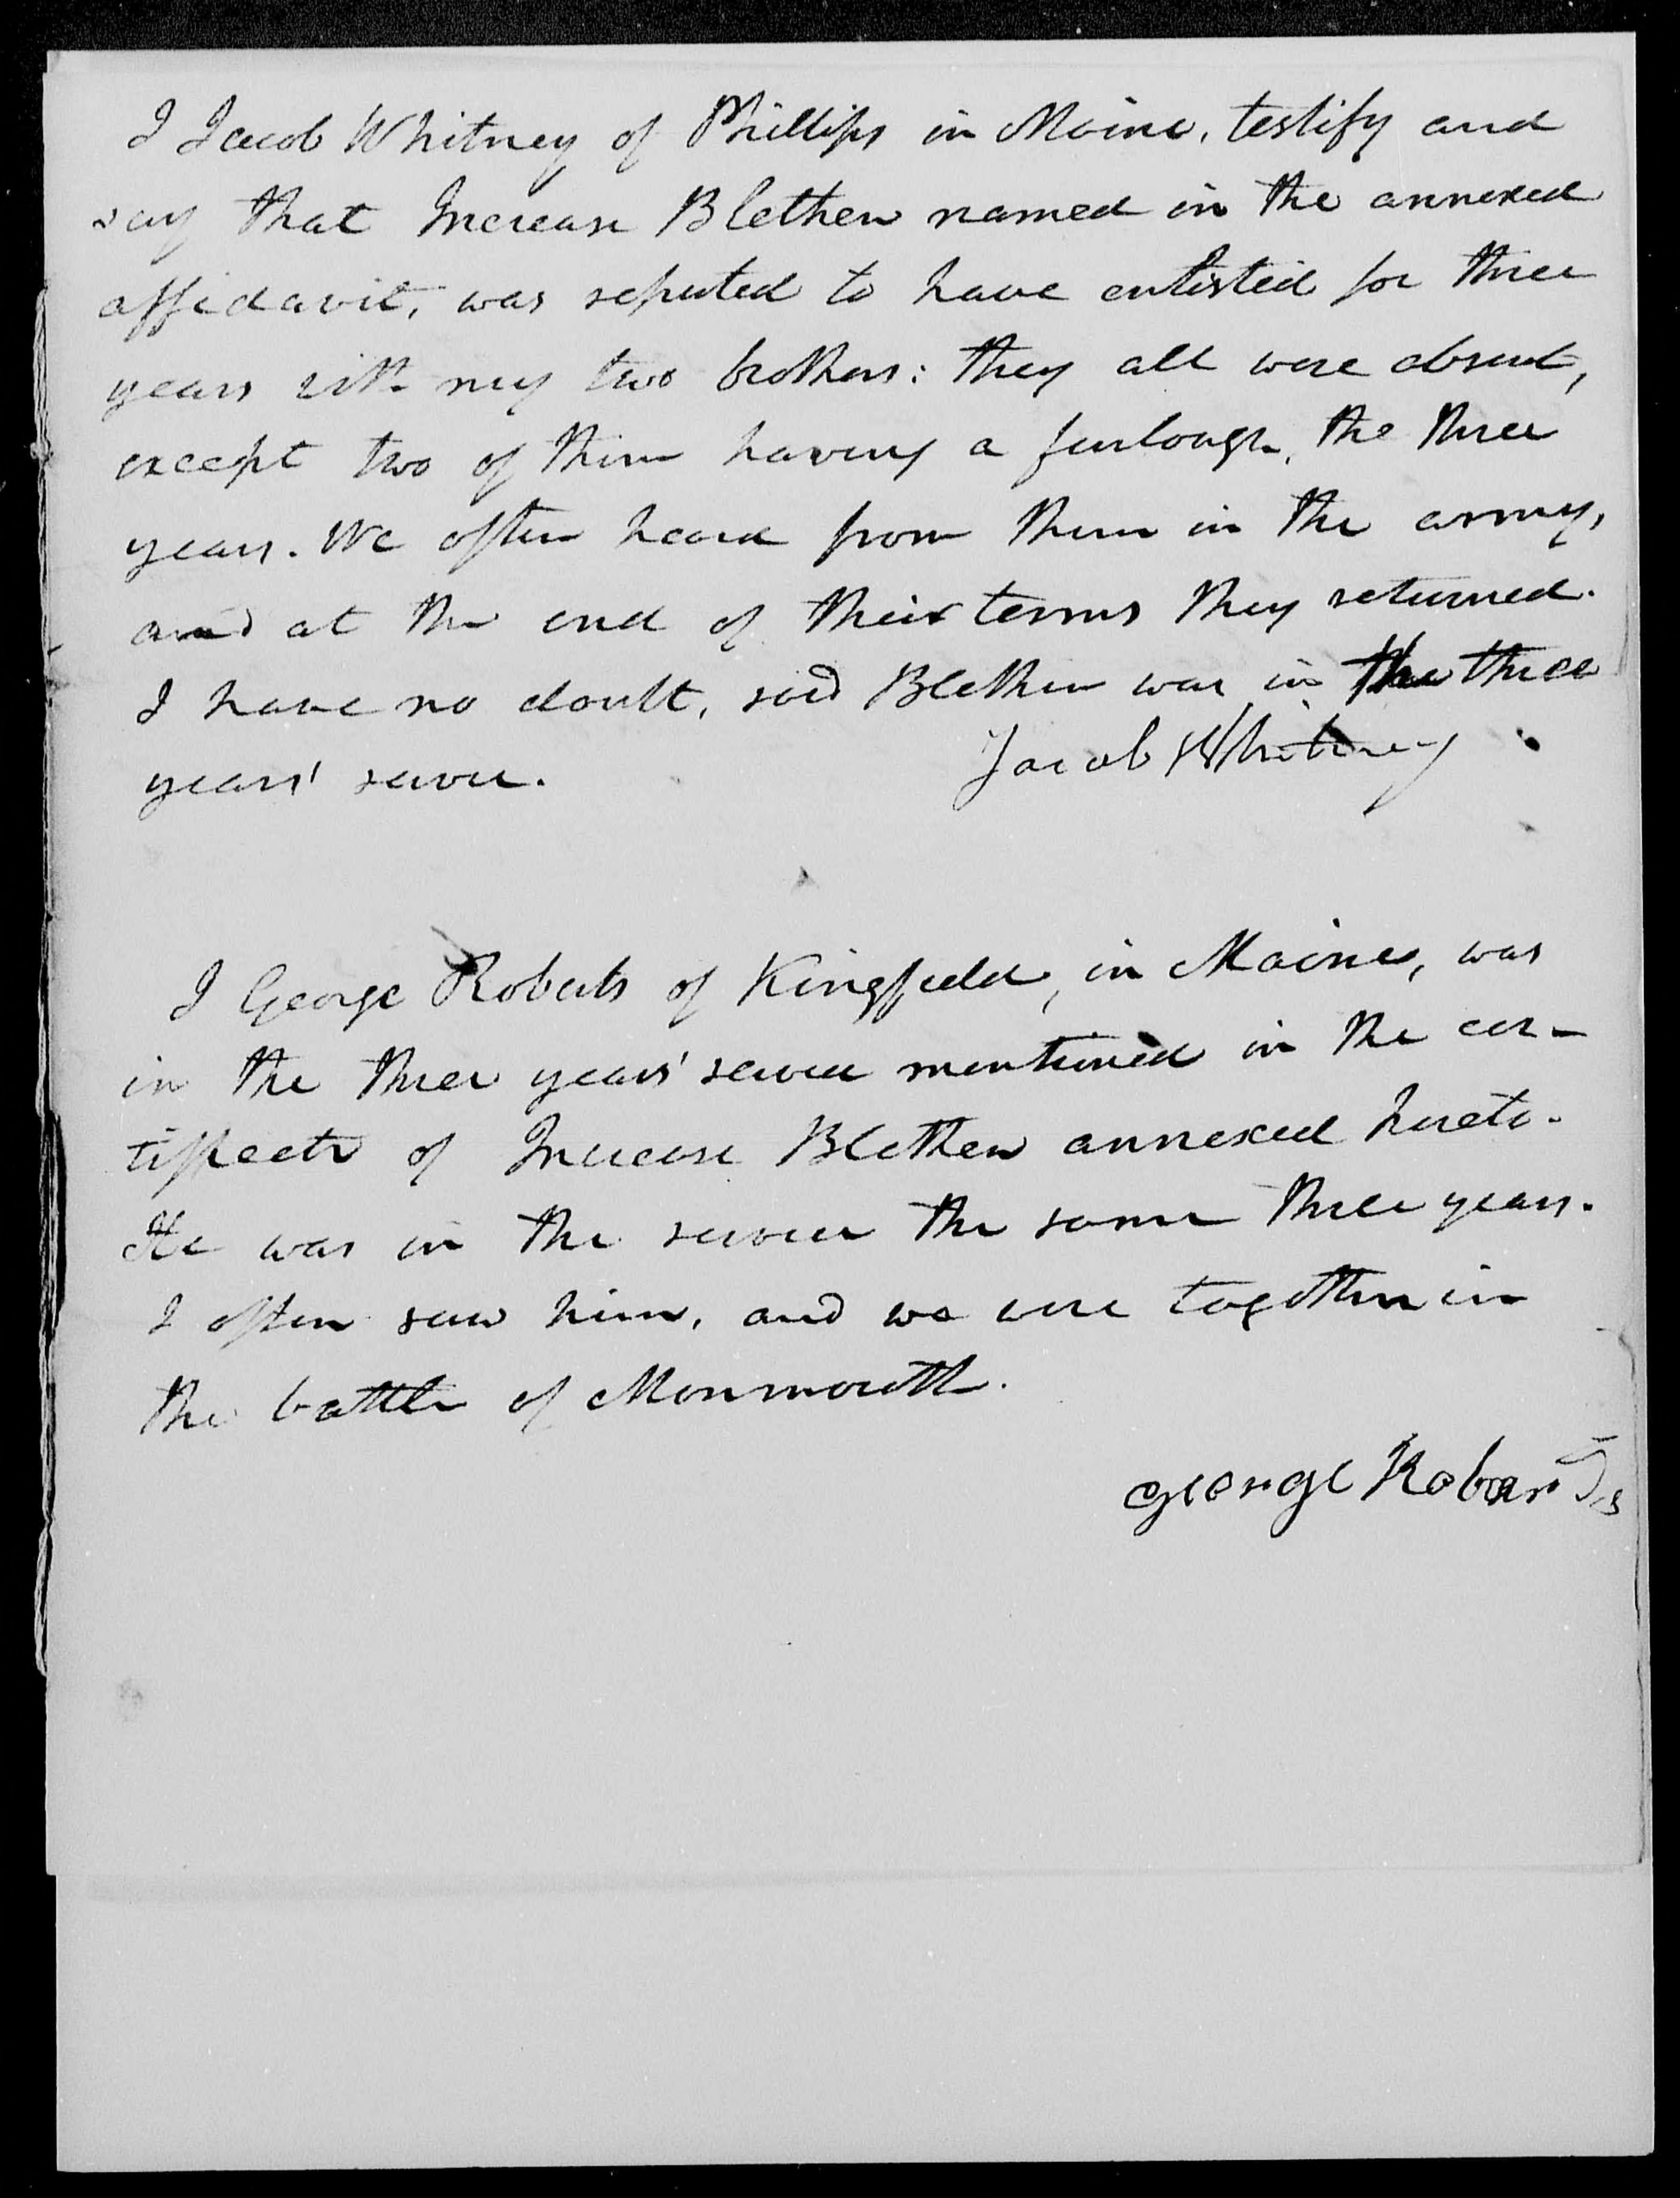I Jacob Whitney of Phillips in Maine, testify ad
say that Increase Blethen named in the annexed
affidavit, was reputed to have enlisted for three
years with my two brothers: they all were absent,
except two of them having a furlough the three
years. We often heard from them in the army,
and at the end of their terms they returned.
I have no doubt said Blethen was in the three
years service.   Jacob Whitney

I George Roberts of Kingfield, in Maine, was
in the three years' service mentioned in the 
certificats of Increase Blethen annexed hereto.
He was in the service the same three years.
I often saw him, and we were together in
the battle of Monmouth.
George Robarts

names: George Roberts, Jacob Whitney, Increase Blethen, George Robards, Jacob Whitney, Increase Blethen, Blethen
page: 6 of 39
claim: widow's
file: W. 23,621, Increase Blethen, Mass.